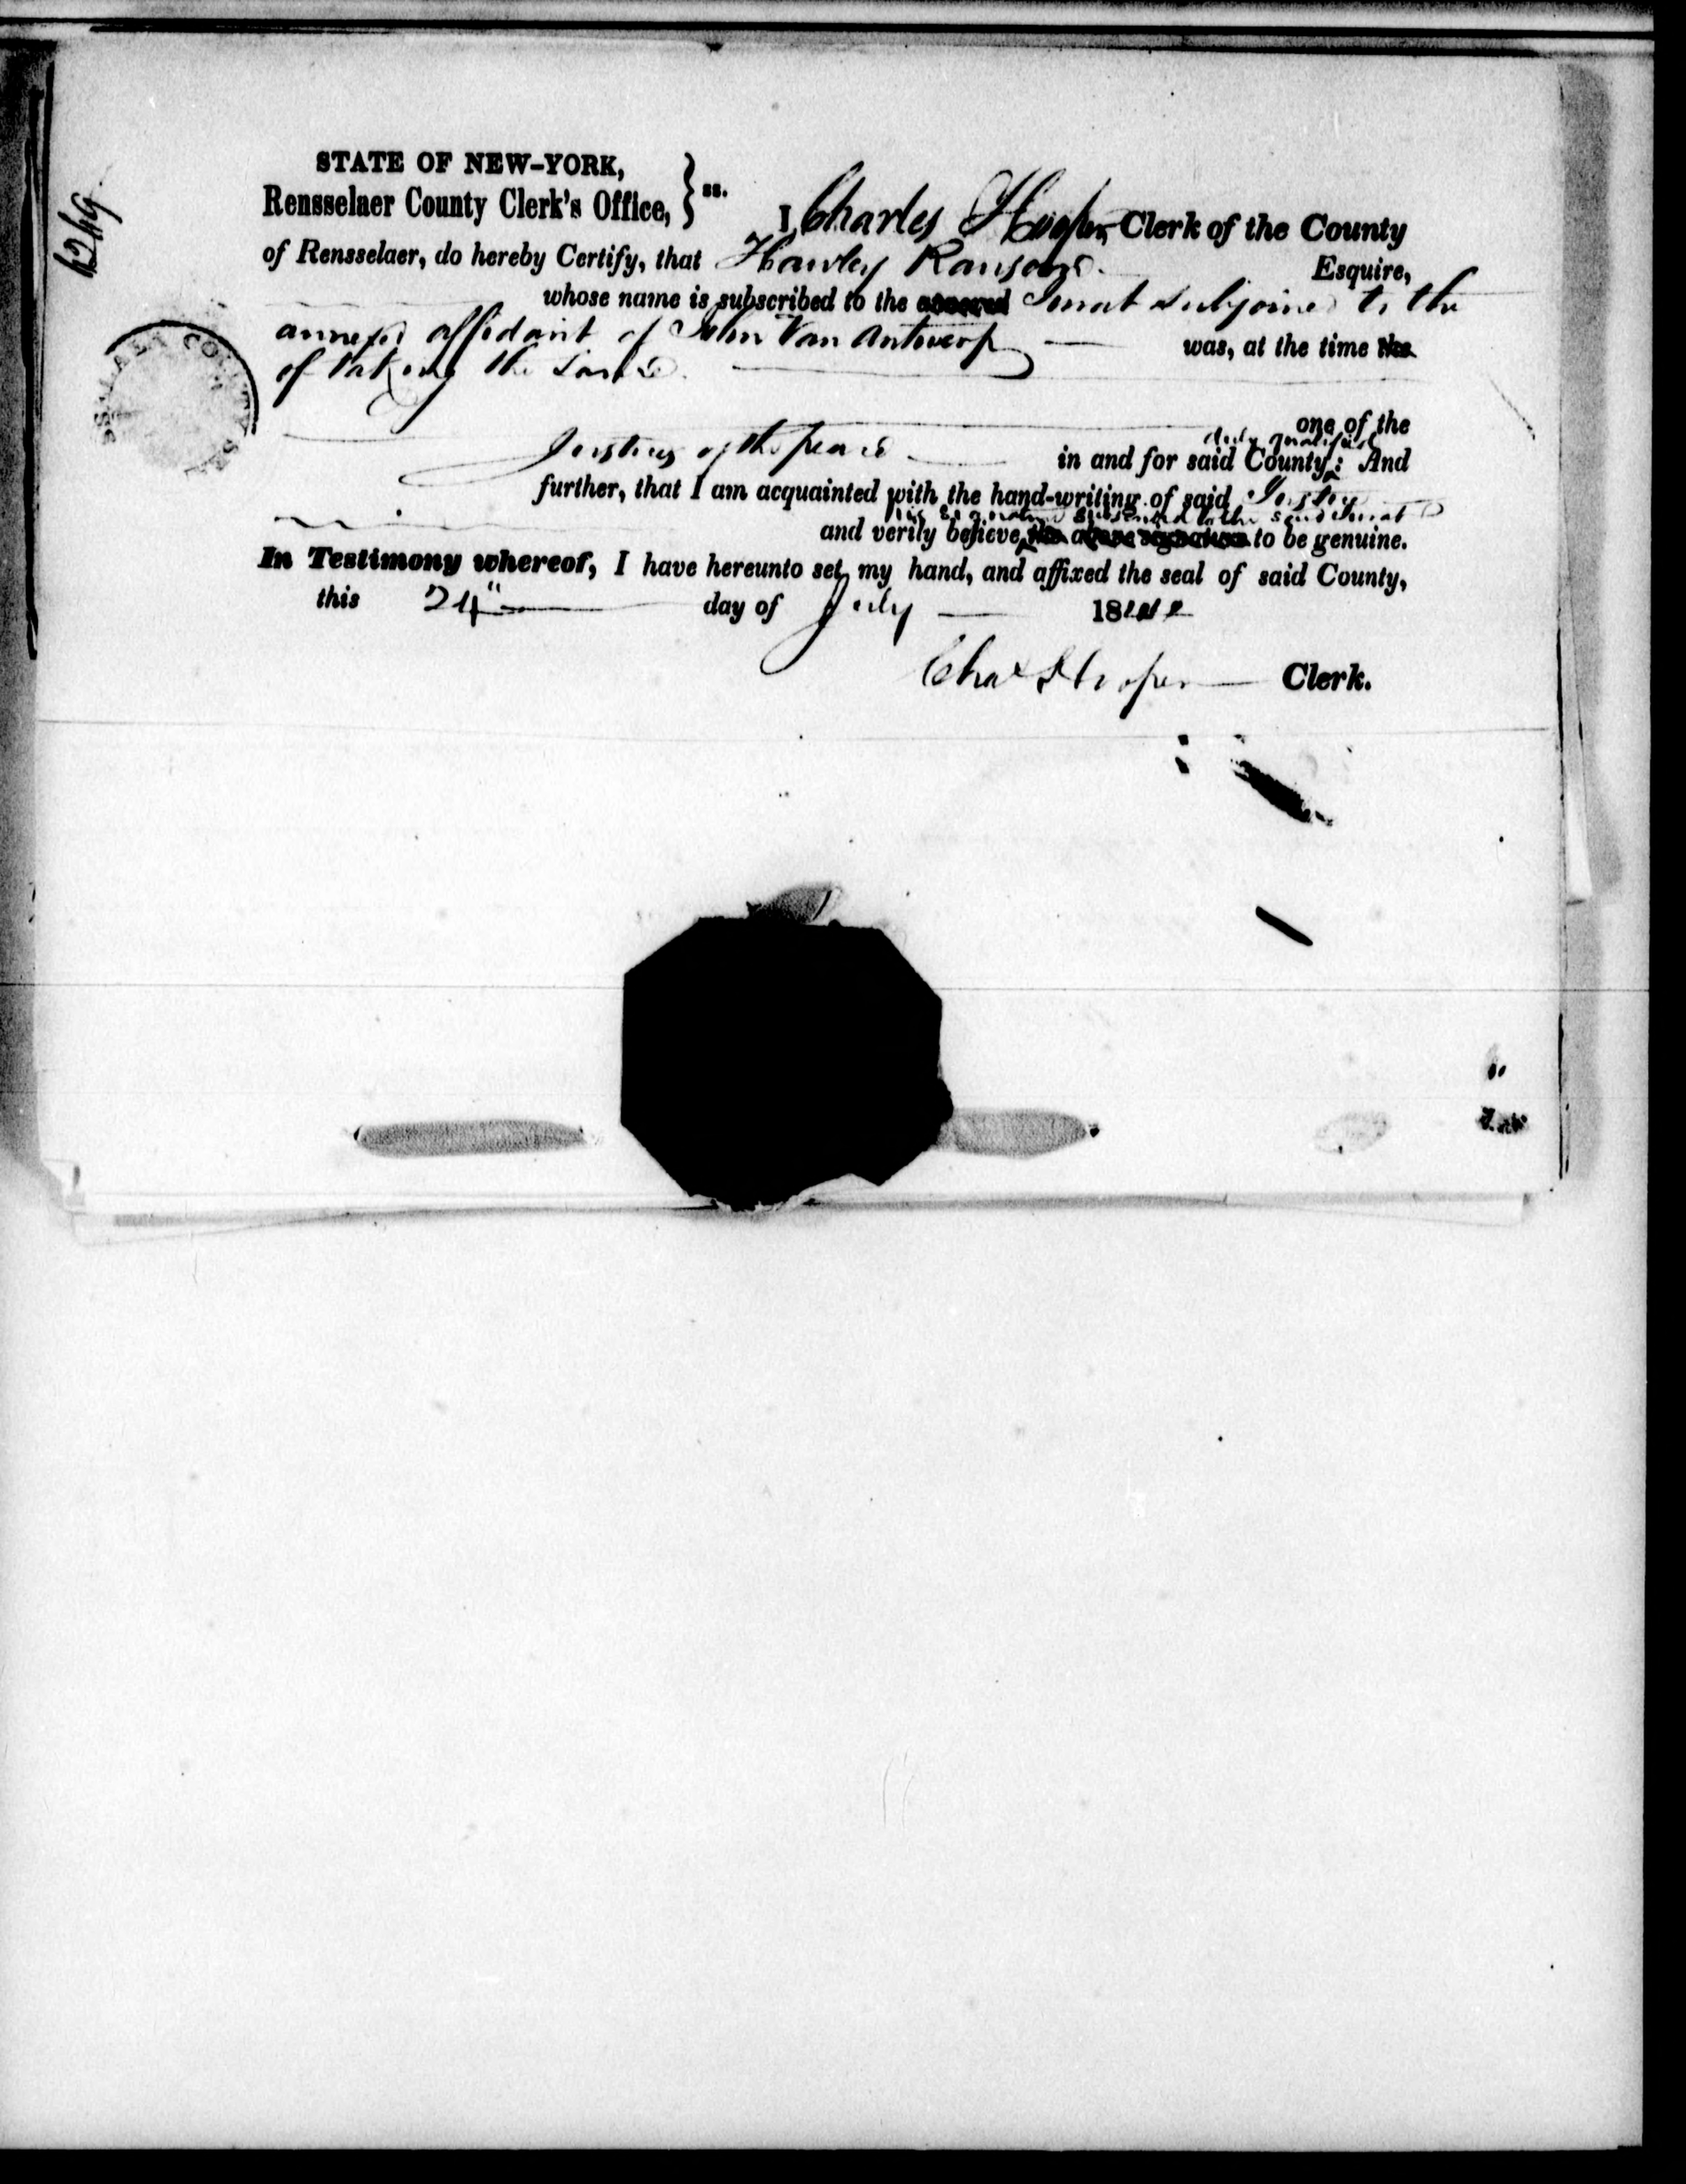[written vertically on left side of page]
1269

[round seal on left side of page]
RENSSELAER COUNTY SEAL

STATE OF NEW-YORK,
Rensselaer County Clerk's Office, SS.
I Charles Hooper Clerk of the County
of Renselaer do hereby Certify, that Hawley Ransom Esquire, whose name is subscribed to the annexed Jurat subjoined to the annexed affidavit of John Van Antwerp was, at the time the [the is crossed out] of taking the same 
one of the Justices of the peace in and for said
County; duly qualified And further, that I am acquainted with the hand-writing of said Justice and verily believe his signature subscribed [illegible] to be genuine.  In Testimony whereof, I have hereunto set me hand. and affixed the seal of said County, this 24th day of July 1844
Chas Hooper [signature] Clerk.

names: Hawley Ransom, Charles Hooper, John Van Antwerp, Chas Hooper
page: 11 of 70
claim: rejected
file: R. 10,832, Martin Van Buskirk, New York.